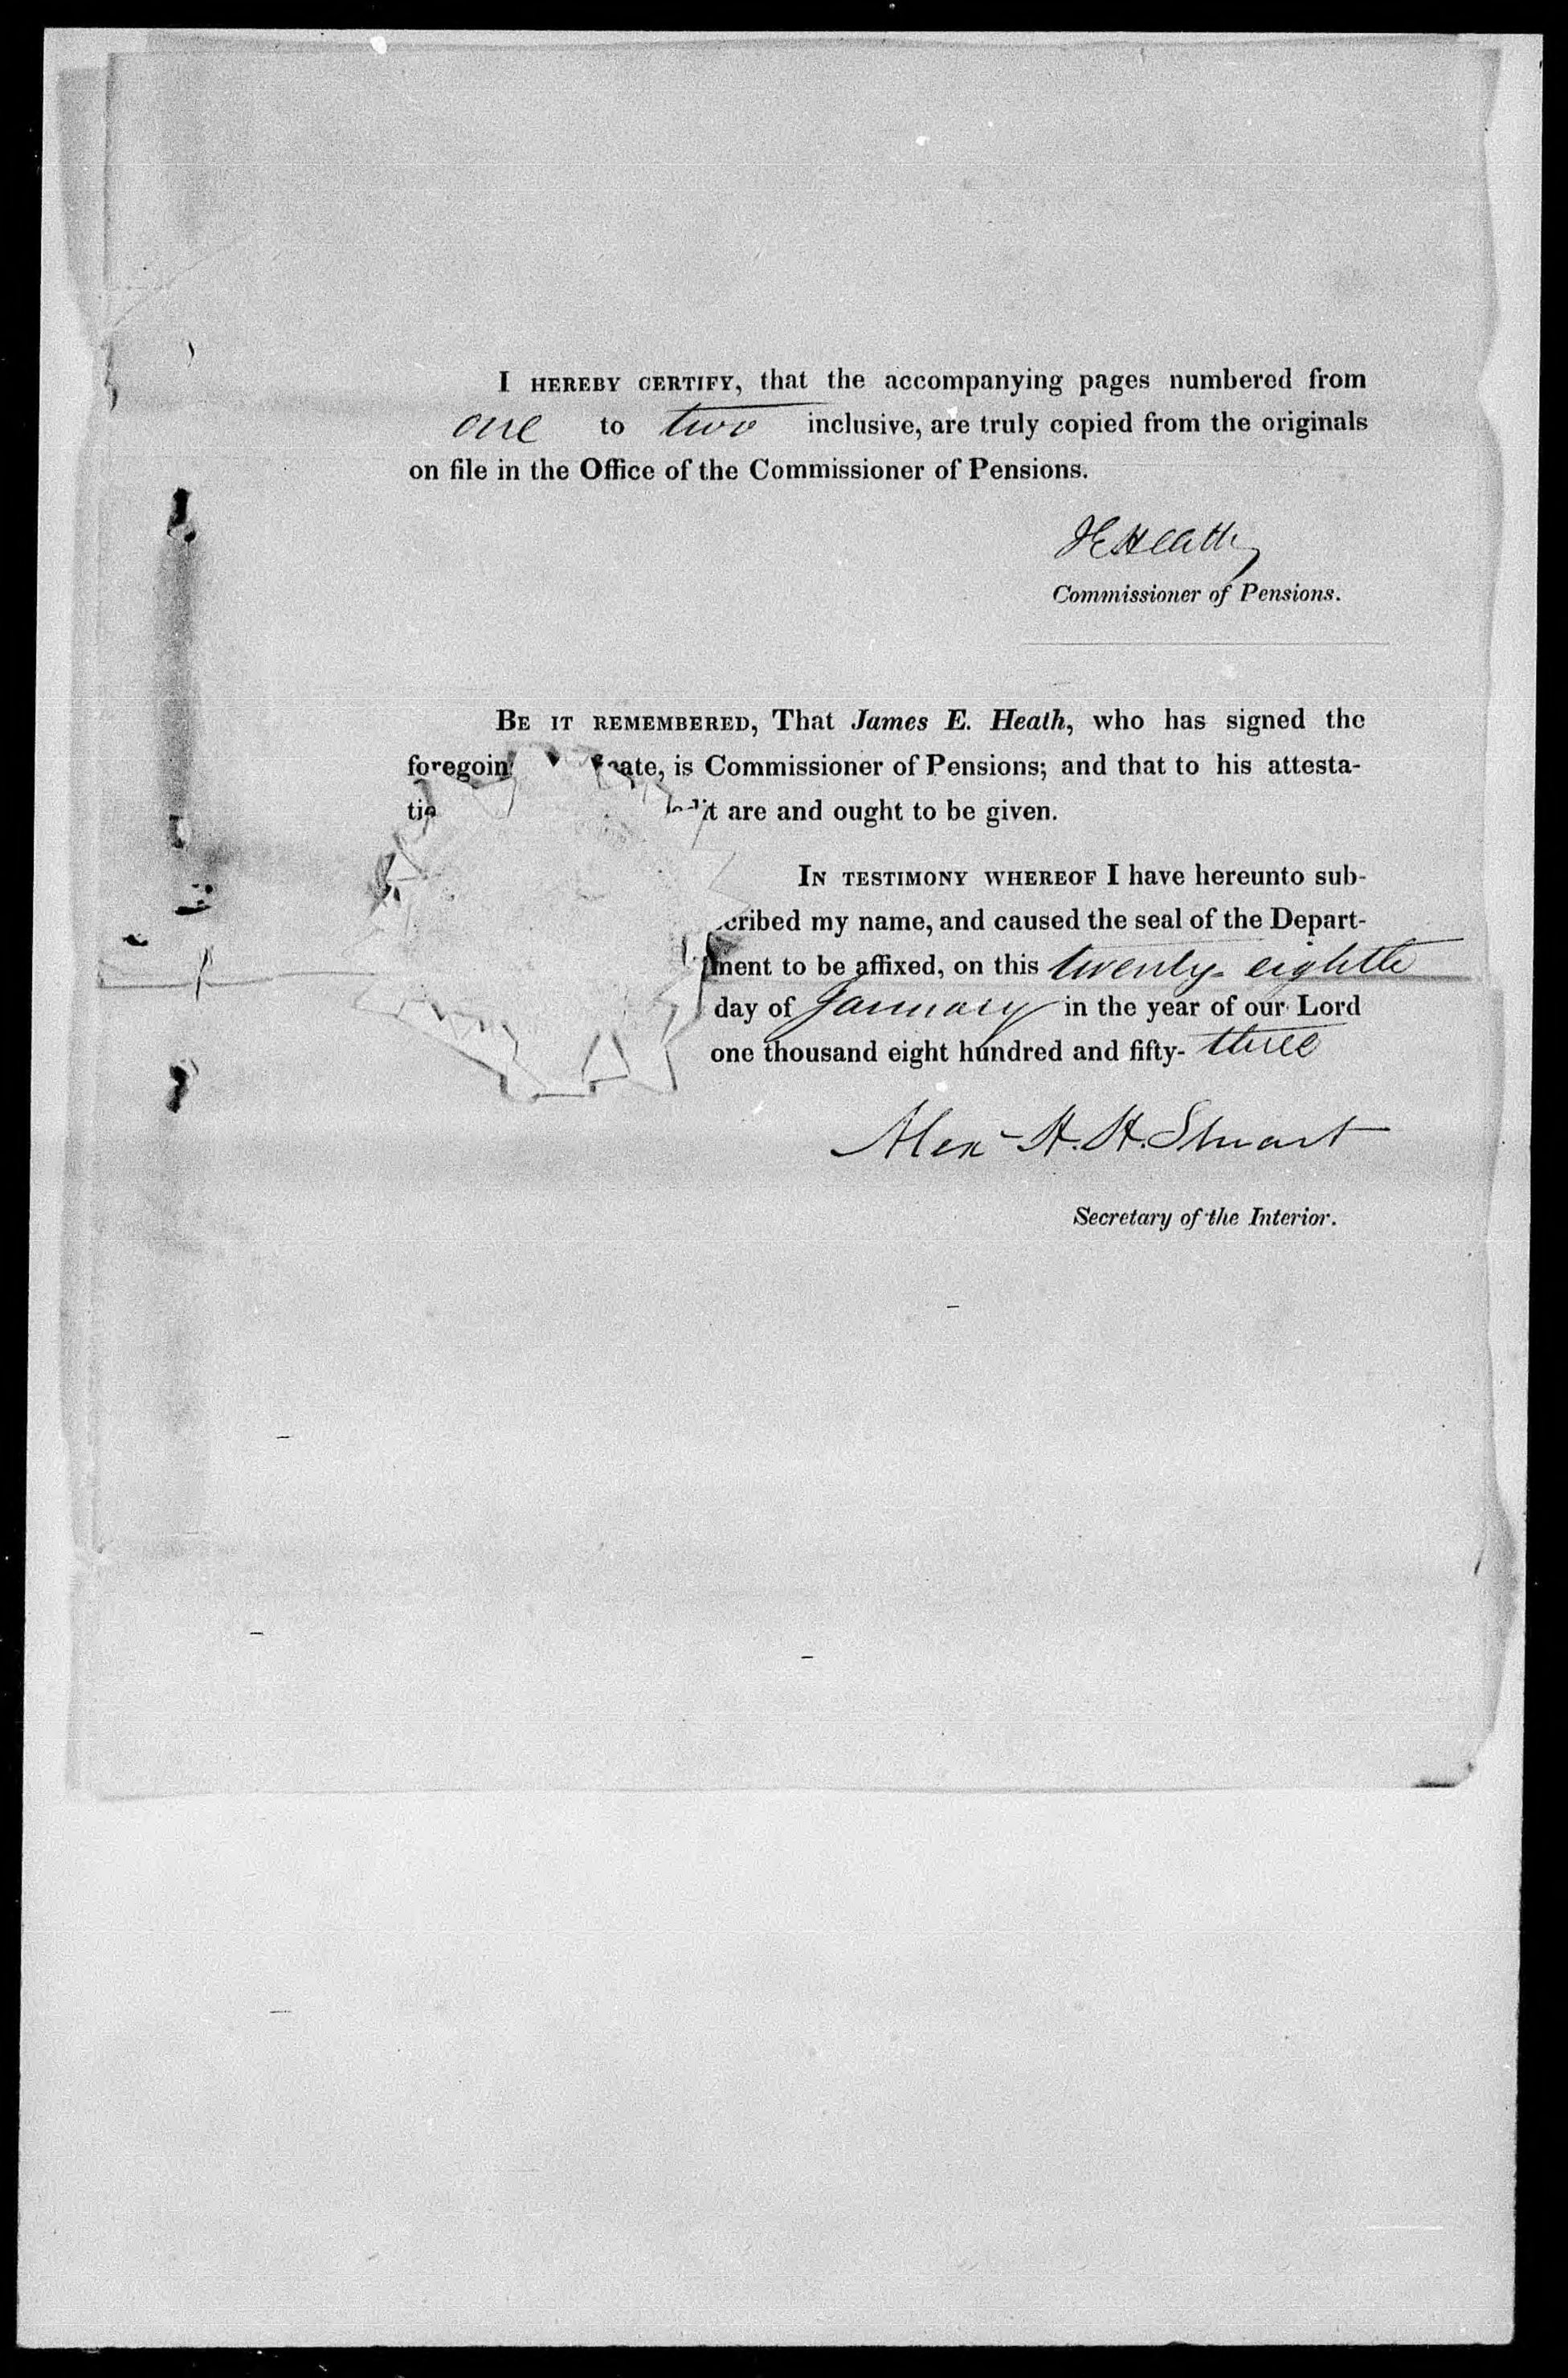I HEREBY CERTIFY, that the accompanying pages numbered from one to two inclusive, are truly copied from the originals on file in the Office of the Commissioner of Pensions.
JE Heath
Commissioner of Pensions.

BE IT REMEMBERED, That James E. Heath, who has signed the foregoing [illegible]ate, is Commissioner of Pensions; and that to his attestations [illegible] credit are and ought to be given.

IN TESTIMONY WHEREOF I have hereunto subscribed my name, and caused the seal of the Department to be affixed, on this twenty-eighth day of January in the year of our Lord one thousand eight hundred and fifty-three
Alex H.H. Stuart
Secretary of the Interior.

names: J E Heath, Alex H H Stwart, James E Heath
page: 43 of 63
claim: widow's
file: W. 3228, John Daly, Penn.